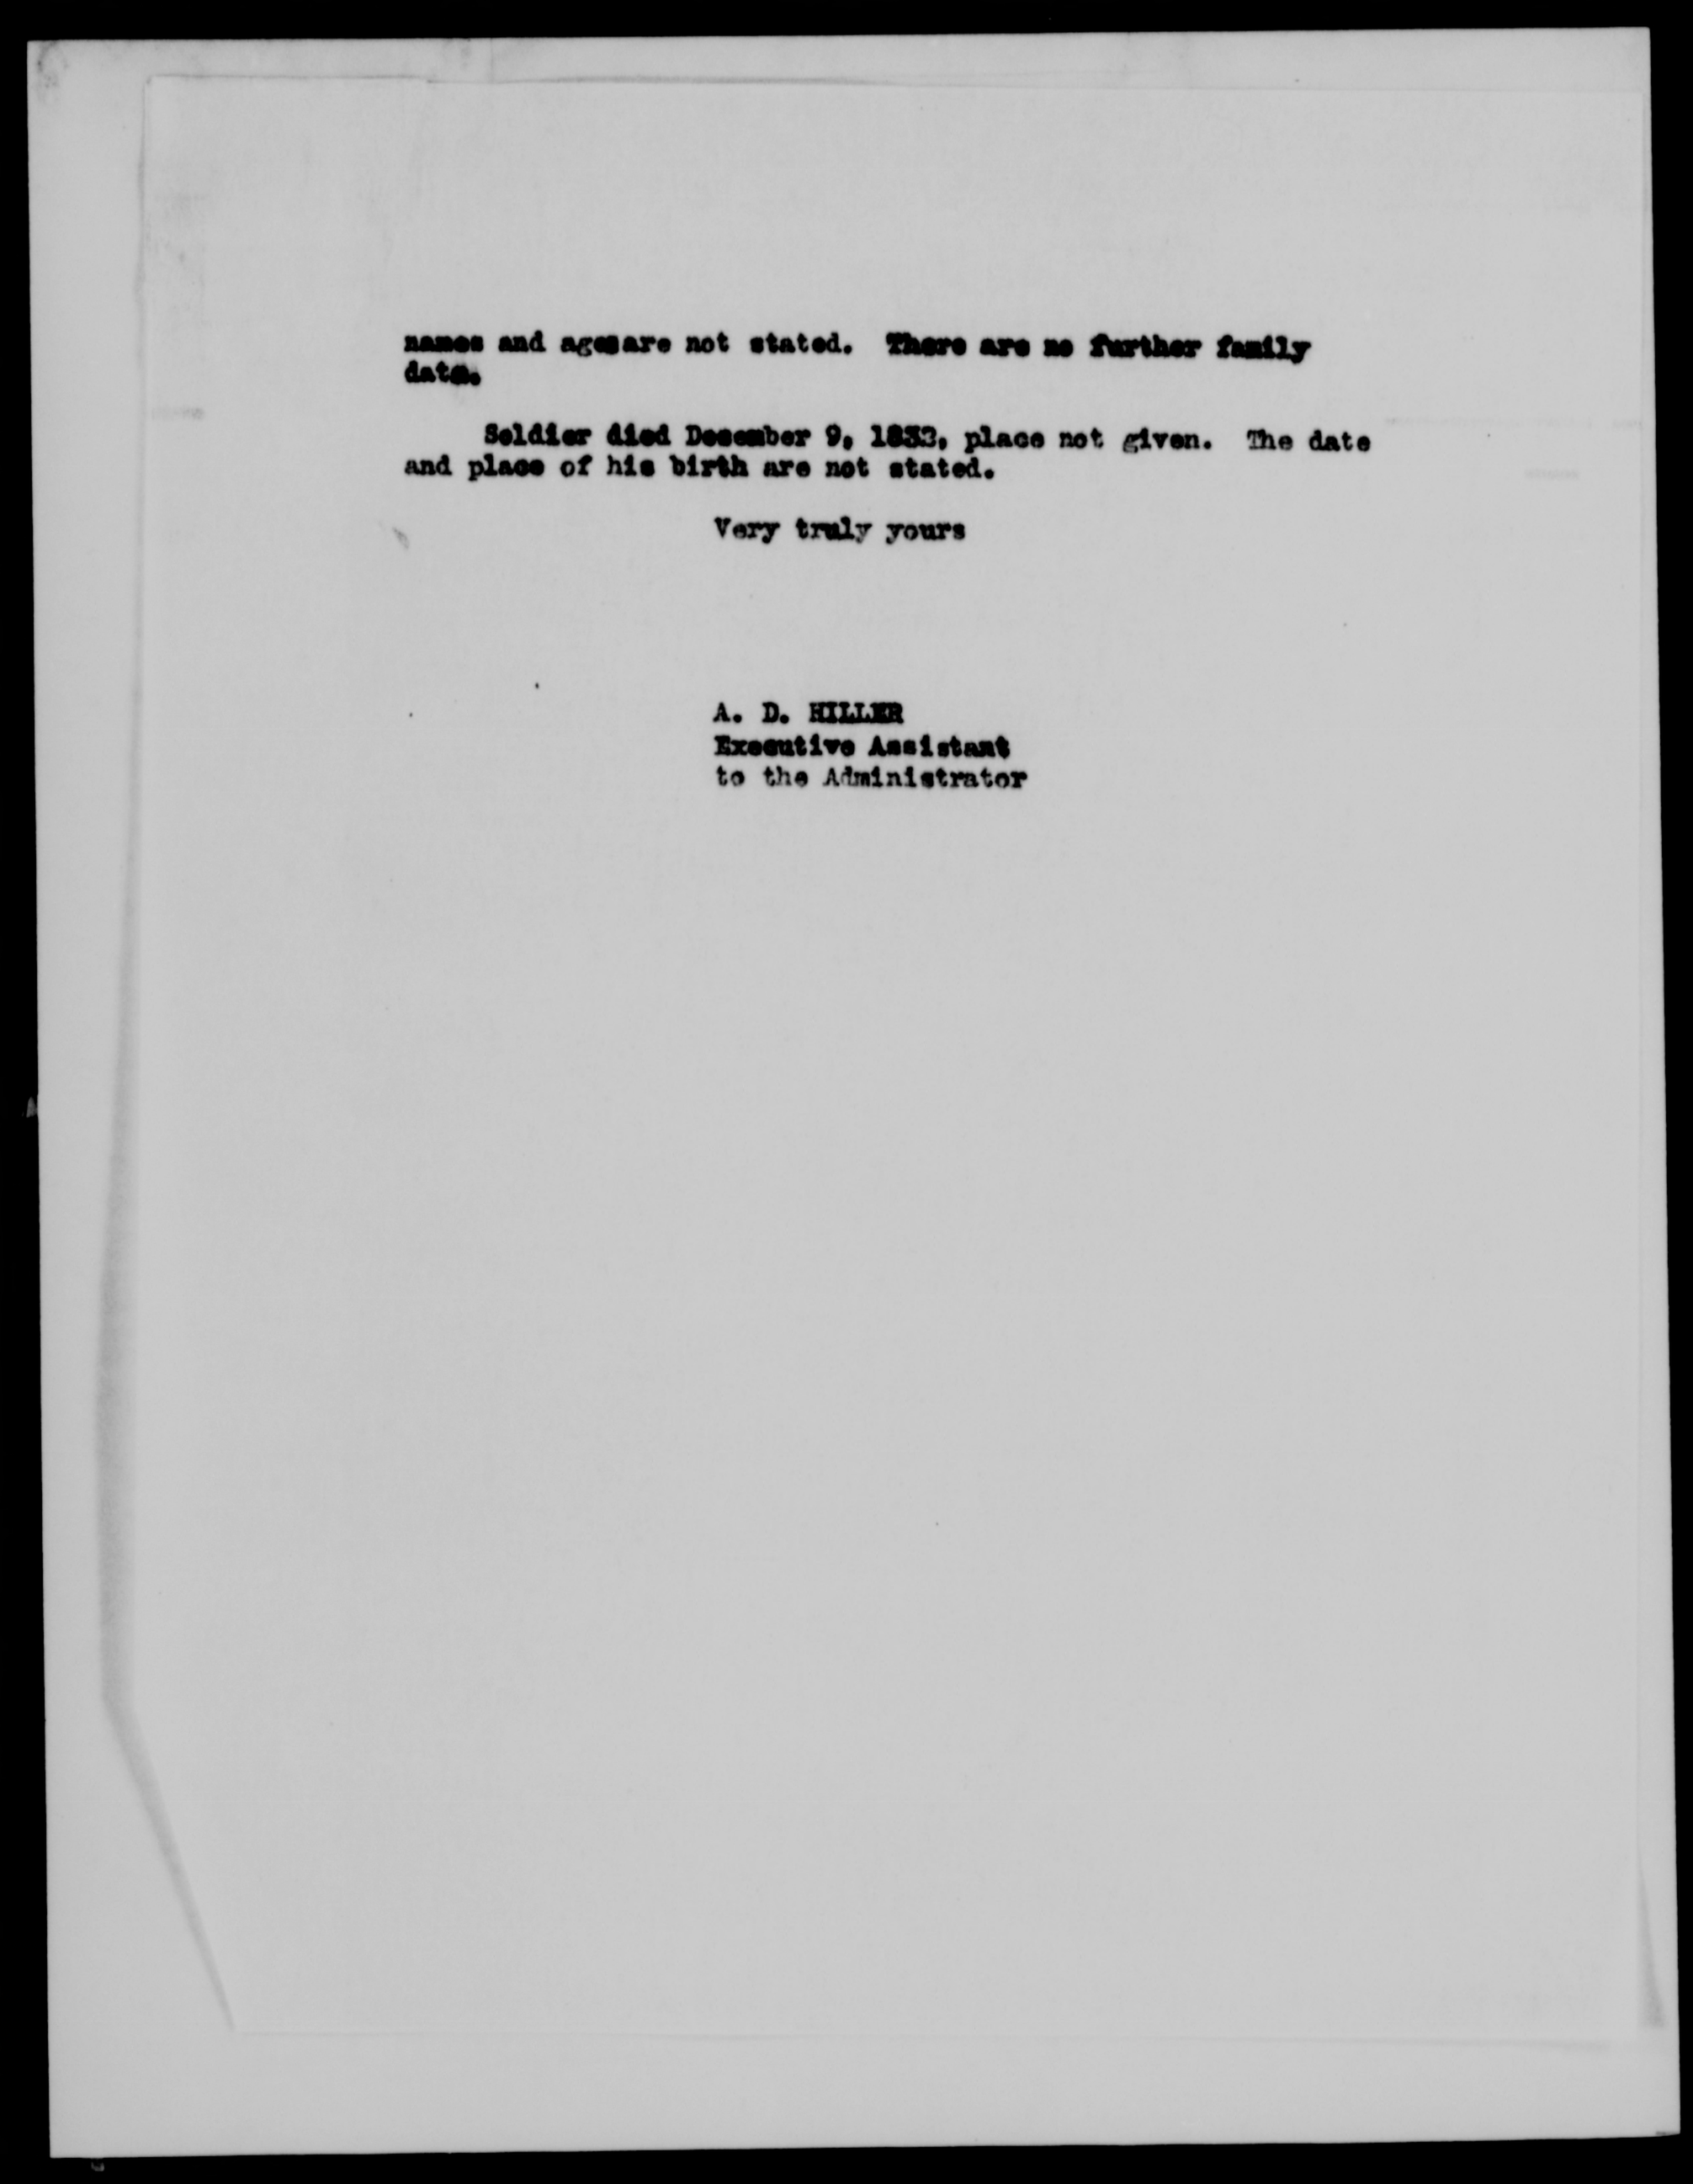names and ages are not stated. There are no further family data. 

Soldier died December 9, 1883, place not given. The date ad place of his birth are not stated. 

Very turyl yours

A.D. Hiller
Executive Assistant 
to the Administrator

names: A D Hiller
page: 9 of 15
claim: survivor's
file: S. 41336, Timothy Willcox, Conn. Continental